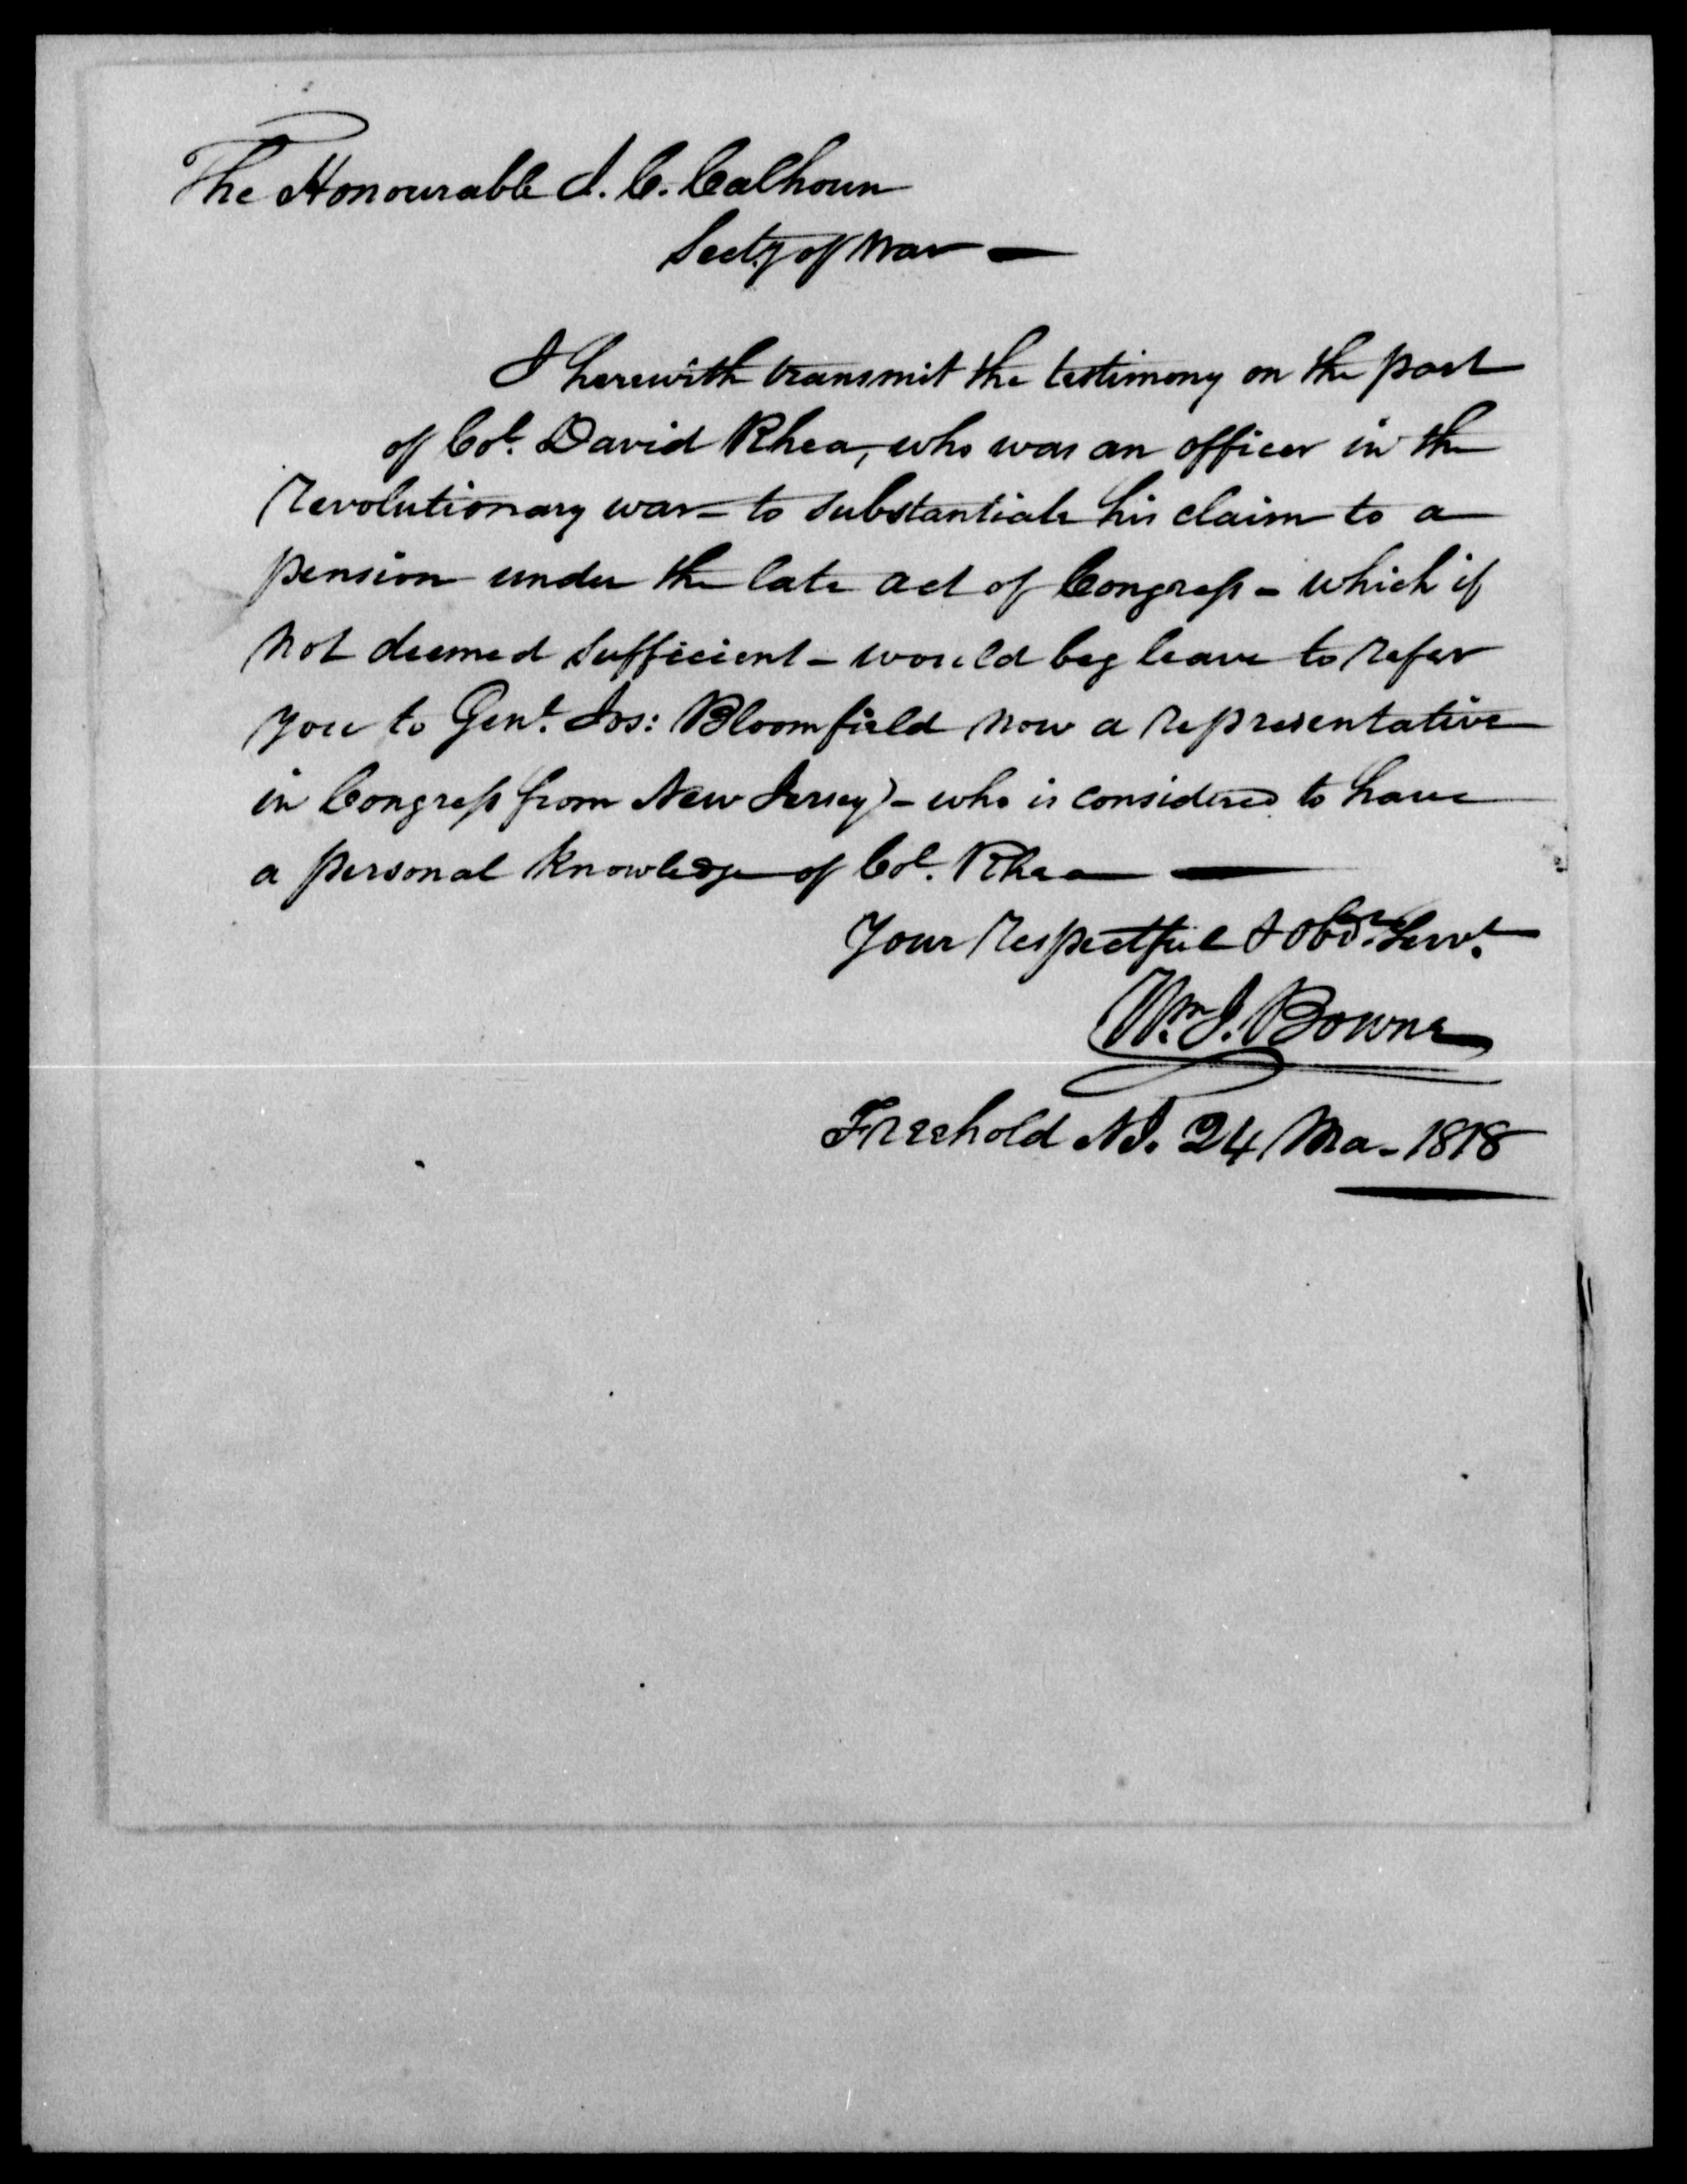The Honourable J.C. Calhoun
Sect'y of War

I herewith transmit the testimony on the part
of Col David Rhea, who was an officer in the
Revolutionary war, to substantiate his claim to a
pension under the late act of Congress, which if
not deemed sufficient, would beg leave to refer
you to Gen'l Jos: Bloomfield now a representative
in Congress from New Jersey who is considered to have
a personal knowledge of Col. Rhea.

Your Respectful & obd't Serv't.
Wm. J. Bowne
Freehold NJ. 24 Mar. 1818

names: Wm J Bowne; J C Calhoun; David Rhea; [BLANK] Rhea; Jos Bloomfield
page: 21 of 21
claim: survivor's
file: S. 33,554, for David Rhea, New Jersey